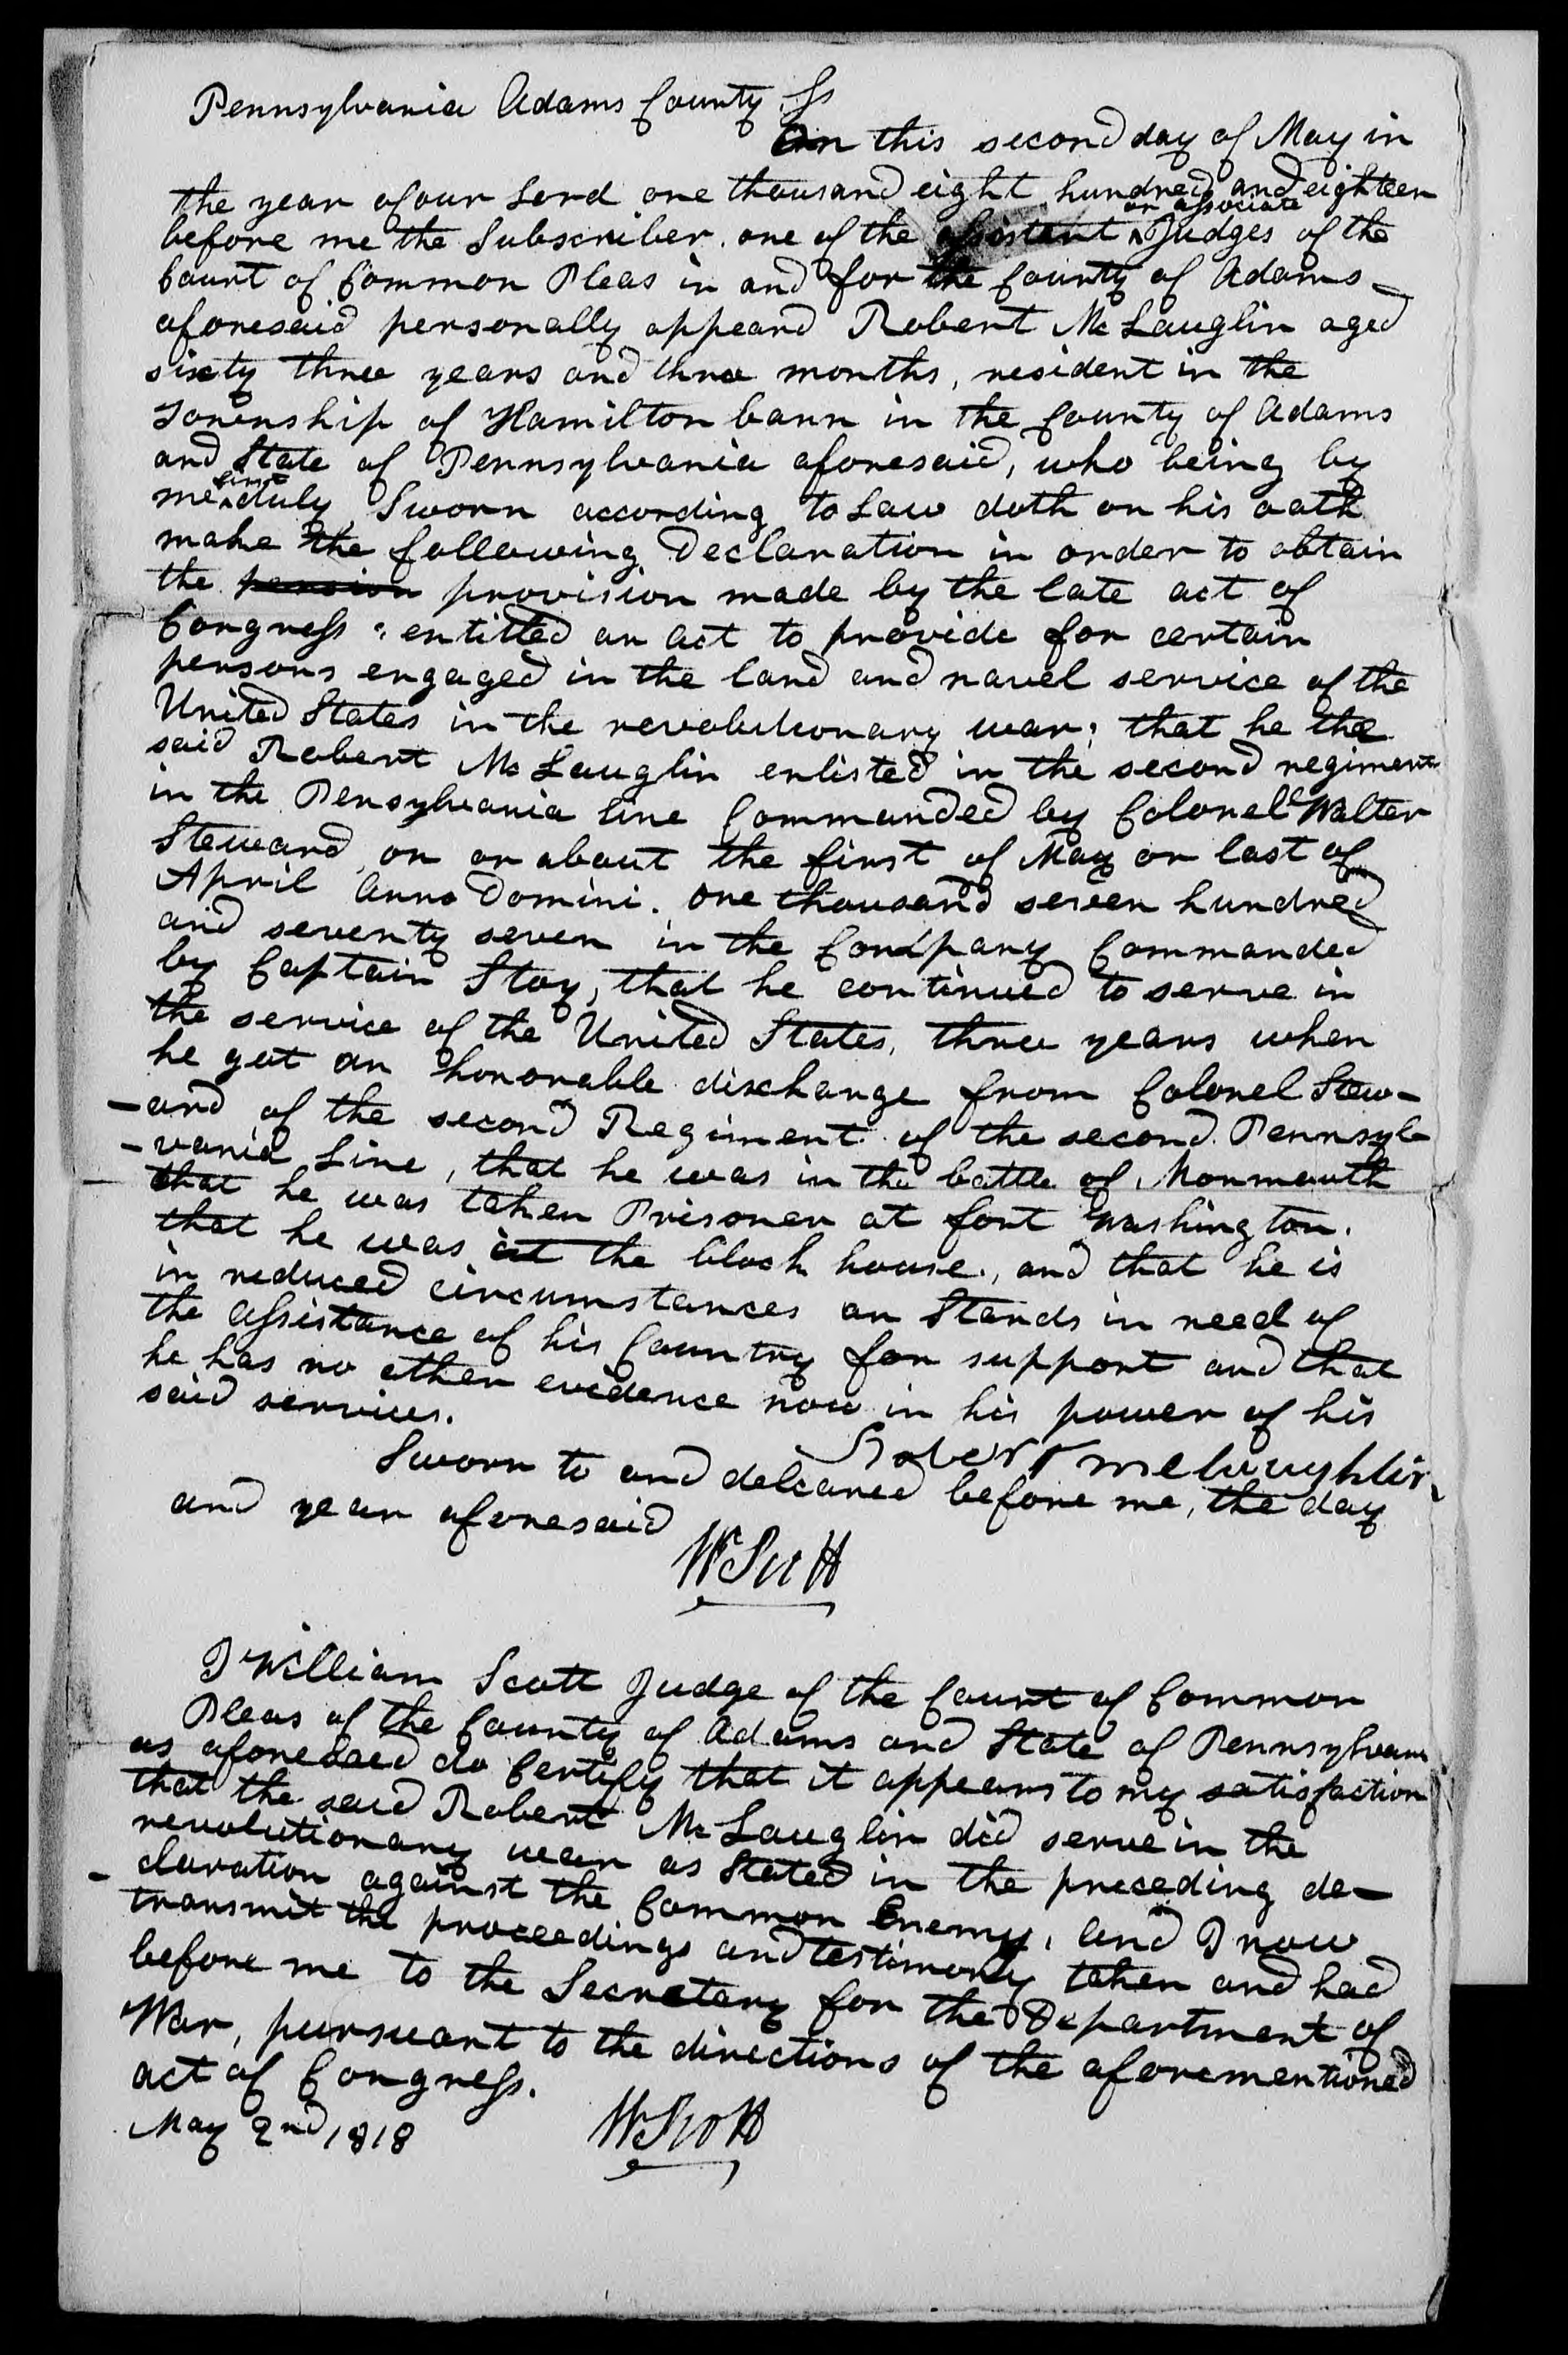Pennsylvania Adams County Ss
On this second day of May in the year of our Lord one thousand eight hundred and eighteen before me the subscriber one of the assistant & an associate Judges of the Court of Common Pleas in and for the County of Adams - aforesaid personally appeared Robert McLaughlin aged sixty three years and three months, resident in the Township of Hamiltonbann in the County of Adams and state of Pennsylvania aforesaid, who being by me signed and duly sworn according to law doth on his oath make the following Declaration in order to obtain the provision made by the late act of Congress, entitled an Act to provide for certain persons engaged in the land and naval service of the United States in the revcolutionary war; that he the said Robert McLaughlin enlisted in the second regiment in the Pensylvania Line commanded by Colonel Walter Steward, on or about the first of May or last of April Anno Domini. one thousand seven hundred and seventy seven in the Company Commanded by Captain Stoy, that he continued to serve in the service of the United States, three years when he got an honorable discharge from Colonel Steard of the second Regiment of the second Pennsylvania Line, that he was in the battle of Monmouth - that he was taken prisoner at fort Washington. that he was at the Clash house and that he is in reduced circumstances and stands in need of the assistance of his country for support and that he has no other evidence now in his possession of his said service.
Sworn to and delcared Robert McLaughlin before me, the day and year aforesaid. 
[signed] Wm Scott 

I William Scott Judge of the Court of Common Pleas of the County of Adams and State of Pennsylvania as aforesaid do certify that it appears to my satisfaction that the said Robert McLaughlin did serve in the revolutionary war as stated in the preceding declaration against the common enemy and I now transmit the proceedings and testimony taken and has before me to the Secretary for the Department of War, pursuant to the directions of the aforementioned act of Congress.
May 9th 1818
[signed] W Scott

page: 7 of 19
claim: survivor's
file: S. 40,146, for Robert Mc Laughlin, Pennsylvania